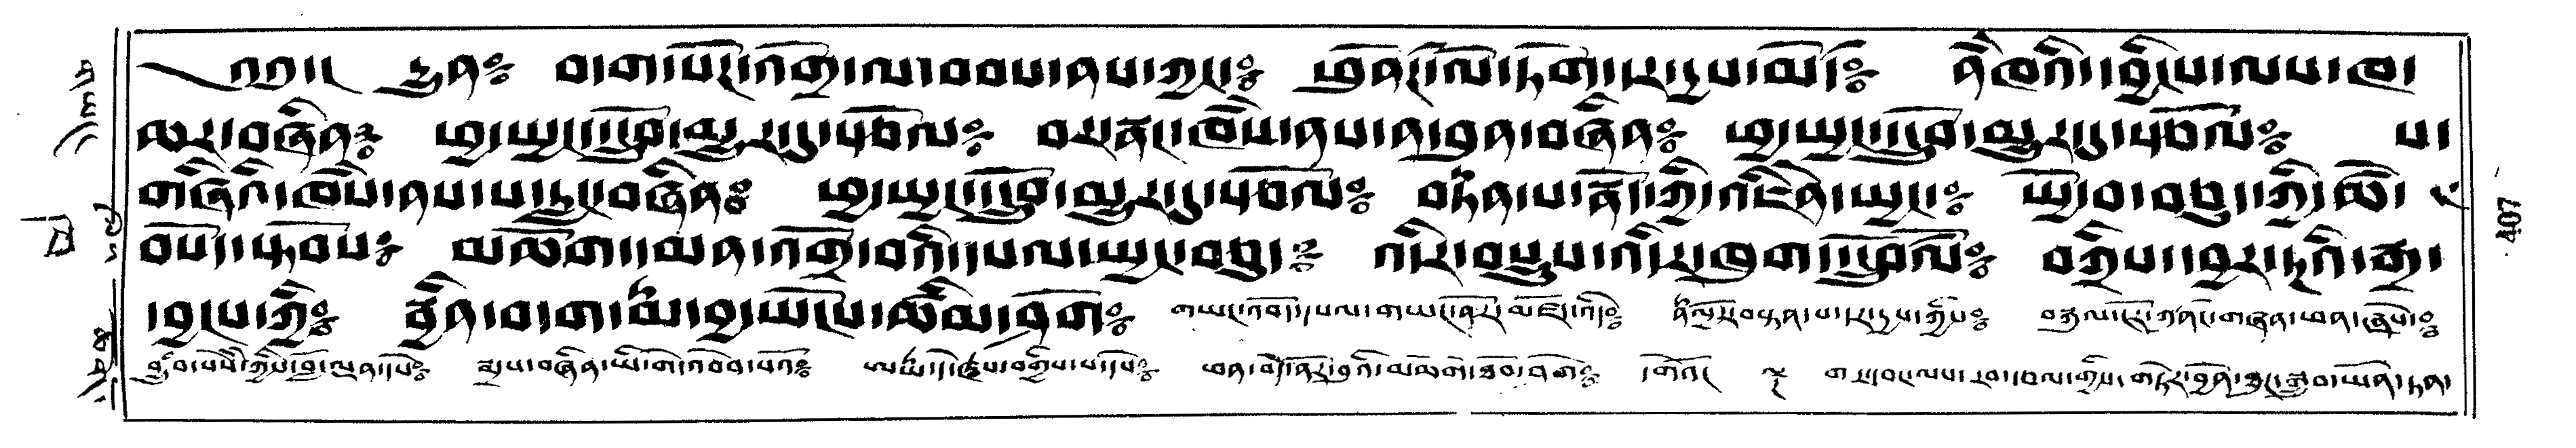རྒྱུན༔ བདག་སོགས་འགྲོ་ལ་བབས་ནས་ཀྱང༔ ཕུན་ཚོགས་ལོ་ཏོག་དར་རྒྱས་མཛོད༔ ནམ་མཁའི་དབྱིངས་ལས་ཁ་
ཆར་བཞིན༔ ཕྱྭ་གཡང་དངོས་གྲུབ་མྱུར་དུ་སྩོལ༔ བར་སྣང་ཁམས་ནས་ན་བུན་བཞིན༔ ཕྱ་གཡང་དངོས་གྲུབ་མྱུར་དུ་སྩོལ༔ ས་
གཞིའི་ཁམས་ནས་ས་རླང་བཞིན༔ ཕྱ་གཡང་དངོས་གྲུབ་མྱུར་དུ་སྩོལ༔ བརྟན་པ་སྣོད་ཀྱི་འཇིག་རྟེན་གཡང༔ གཡོ་བ་བཅུད་ཀྱི་ཚེ་
བསོད་སྟོབས༔ མཆོག་དམན་འགྲོ་བའི་དཔལ་གཡང་བཅུད༔ འདིར་བསྡུས་འདིར་ཁུག་དངོས་གྲུབ་སྩོལ༔ བཀྲ་ཤིས་དབྱར་རྔའི་སྒྲ་
དབྱངས་ཀྱི༔ སྦྱིན་བདག་རྨ་བྱ་ཡོངས་ཚིམ་ཤོག༔ གཡང་འབོད་དཔལ་གཡང་ནོར་མཛོད་འདི༔ རྣལ་འབྱོར་བསྟན་པ་དར་རྒྱས་ཀྱིས༔བསྐུལ་ངོར་ཀུན་བཟང་གཞན་ཕན་ཞེས༔ 
བྱང་ཆུབ་སེམས་ཀྱིས་བློ་ལྡན་དེས༔ སྨྲས་བཞིན་ཡི་གེར་འབེབས་པོ༔ ཨརྨ་དེ་ཝས་བགྱིས་པ་དེས༔ ཕན་བདེ་ནོར་བུའི་མཆོག་ཐོབ་ཤོག༔ དགེའོ།། ༈ གར་དབང་ལས་རབ་རྩལ་གྱིས་གཏེར་བྱོན་ཐུགས་སྒྲུབ་ཡོན་ཏན་